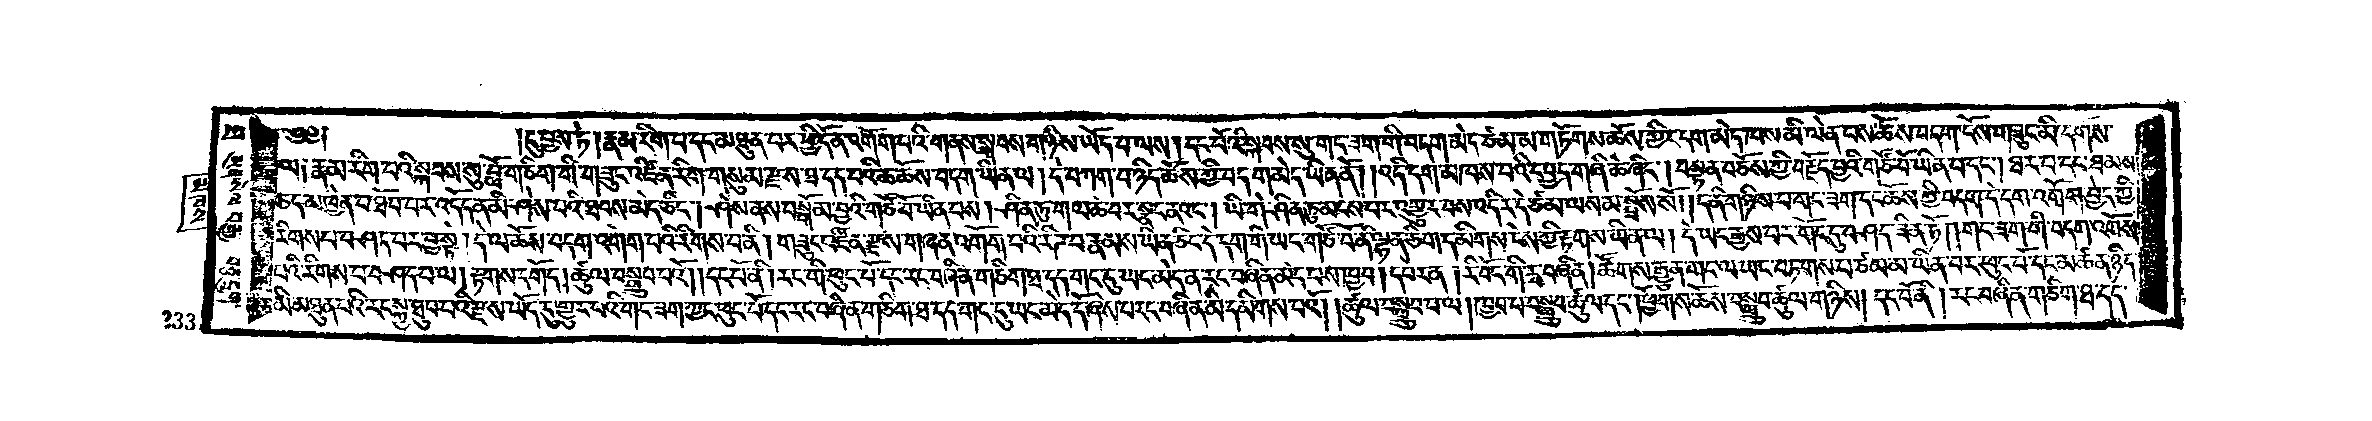༄༅། །དུ་བྱས་ཏེ། རྣམ་རིག་པ་དང་མཐུན་པར་ཕྱི་དོན་འགོག་པའི་གནས་སྐབས་གཉིས་ཡོད་པ་ལས། དང་པོའི་སྐབས་སུ་གང་ཟག་གི་བདག་མེད་ཙམ་མ་གཏོགས་ཆོས་ཀྱི་བདག་མེད་ཁས་མི་ལེན་པས་ཆོས་བདག་ངོས་གཟུང་མི་དགོས་
ལ། རྣམ་རིག་པའི་སྐབས་སུ་བློ་གཅིག་གི་གཟུང་འཛིན་རིག་གསུམ་རྫས་ཐ་དད་པའི་ཆ་ཆོས་བདག་ཡིན་ལ། དེ་བཀག་བ་ཉིད་ཆོས་ཀྱི་བདག་མེད་ཡིན་ནོ། །འདི་དག་མཁས་པའི་དཔྱད་གཞི་ཆེ་ཞིང་།བསྟན་བཅོས་ཀྱི་བརྗོད་བྱའི་གཙོ་བོ་ཡིན་པ་དང་། ཐར་པ་དང་ཐམས་
ཅད་མཁྱེན་པ་ཐོབ་པར་འདོད་ན་མི་ཤེས་པའི་ཐབས་མེད་ཅིང་། ཤེས་ནས་བསྒོམ་བྱའི་གཙོ་བོ་ཡིན་པས། ཤིན་ཏུ་གལ་ཆེ་བར་སྣང་ནའང་། ཡི་གེ་ཤིན་ཏུ་མངས་པར་འགྱུར་བས་འདིར་དེ་ཙམ་ལས་མ་སྤྲོས་སོ། །ད་ནི་གཉིས་པ་གང་ཟག་དང་ཆོས་ཀྱི་བདག་དེ་དག་འགོག་བྱེད་ཀྱི་
རིགས་པ་བཤད་པར་བྱ་སྟེ། དེ་ལ་ཆོས་བདག་འགོག་པའི་རིགས་པ་ནི། གཟུང་འཛིན་རྫས་གཞན་འགོག་པའི་རིཌ་པ་རྣམས་ཡིན་ཅིང་དེ་དག་གི་ཡང་གཙོ་བོ་ནི་ལྷན་ཅིག་དམིགས་ངེས་ཀྱི་རྟགས་ཡིན་ལ། དེ་ཡང་རྒྱས་པར་གོང་དུ་བཤད་ཟིན་ཏོ། །གང་ཟག་གི་བདག་འགོས་
པའི་རིགས་པ་བཤད་པ་ལ། རྟགས་དགོད། ཚུལ་བསྒྲུབ་པའོ། །དང་པོ་ནི། རང་གི་ཕུང་པོ་དང་རང་བཞིན་གཅིག་ཐ་དད་གང་དུ་ཡང་མེད་ན་རང་བཞིན་མེད་པས་ཁྱབ། དཔེར་ན། རི་བོང་གི་རྭ་བཞིན། ཚོགས་རྒྱུན་གང་ལ་ཡང་བཏགས་པ་ཙམ་མ་ཡིན་པར་ཕུང་པོ་དང་མཚན་ཉིད་
མི་མཐུན་པའི་རང་སྐྱ་ཐུབ་པའི་རྫས་ཡོད་དུ་གྱུར་པའི་གང་ཟག་ཀྱང་ཕུང་པོ་དང་རང་བཞིན་གཅིག་ཐ་དད་གང་དུ་ཡང་མེད་དོ་ཞེས་པ་རང་བཞིན་མ་དམིགས་པའོ། །ཚུལ་བསྒྲུབ་པ་ལ། ཁྱབ་པ་བསྒྲུབ་ཚུལ་དང་།ཕྱོགས་ཆོས་བསྒྲུབ་ཚུལ་གཉིས། དང་པོ་ནི། རང་བཞིན་གཅིག་ཐ་དད་